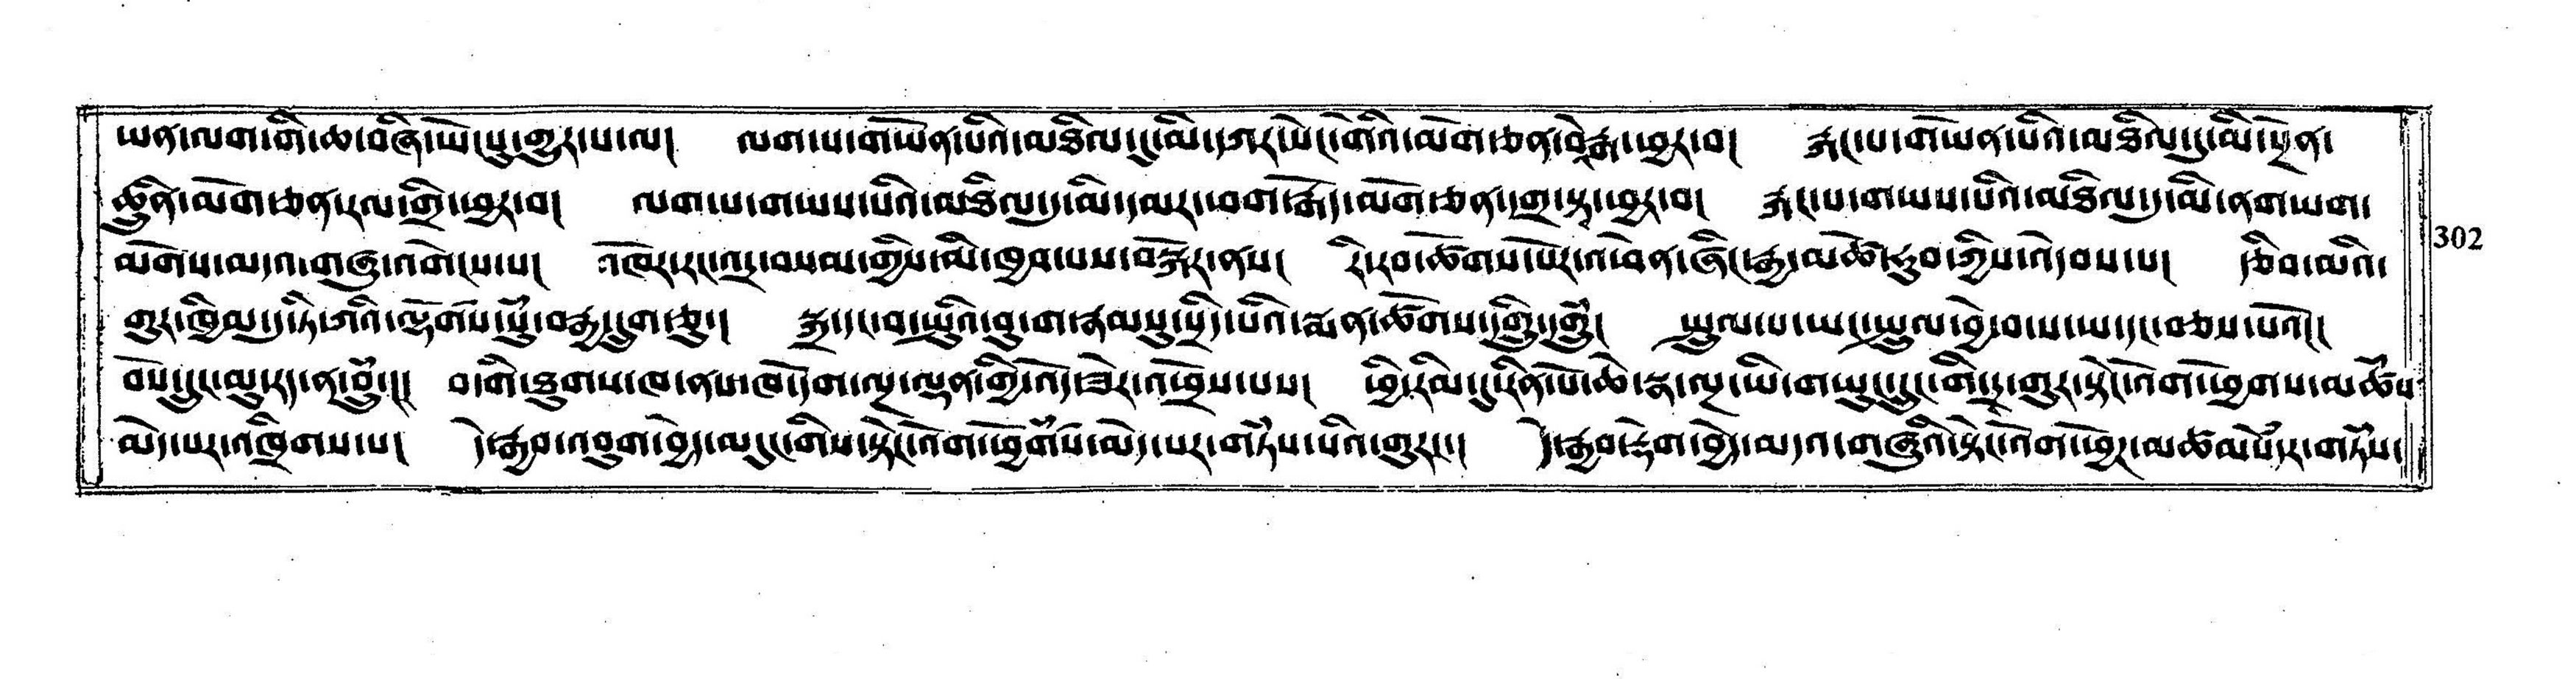ཡན་ལག་གི་ཆ་བཞི་ཡོངས་སུ་གྱུར་པ་ལ། ལག་པ་གཡོན་པའི་མཐིལ་དུ་མི་དཀར་སེང་གེའི་མགོ་ཅན་བཱེརྒ་ཕྱར་བ། རྐང་པ་གཡོན་པའི་མཐིལ་དུ་མི་སྔོན་
ཆུ་སྲིན་མགོ་ཅན་རལ་གྲི་ཕྱར་བ། ལག་པ་གཡས་པའི་མཐིལ་དུ་མི་དམར་ཕག་རྒོད་མགོ་ཅན་དགྲ་སྟྭ་ཕྱར་བ། རྐང་པ་གཡས་པའི་མཐིལ་དུ་མི་ནག་གཡག་
མགོས་མདའ་གཞུ་འགེངས་པ། འཁོར་རང་འདྲ་བསམ་གྱིས་མི་ཁྱབ་པས་བསྐོར་ནས། རི་རབ་ཚོགས་སོར་འཕེན་ཞིང་རྒྱ་མཚོ་ཧུབ་ཀྱིས་འདེབས་པ། རྩིབ་མའི་
གུར་ཁྱིམ་དུ་ཏི་ཀའི་ལྷ་ཚོགས་སུམ་བརྒྱ་དྲུག་ཅུ། སྐྲ་དང་བ་སྤུའི་བུ་ག་རྣམས་སུ་སྲིད་པའི་སྨན་ཚོགས་དགུ་ཁྲི་དགུ་འབུམ། སྤྲུལ་པ་ཡང་སྤྲུལ་བྱེ་བ་ས་ཡ་དང་བཅས་པའོ།། 
བསོ་དྲུང་མུ་རད་ན་བྲུཾ།། བདག་གི་ཐུགས་ཁ་ནས་ཁ་དོག་ལྔ་ལྡན་གྱི་འོད་ཟེར་འཕྲོས་པས། ཕྱི་རིམ་དུ་རིན་པོ་ཆེ་སྣ་ལྔ་ཡི་གཡུང་དྲུང་གི་དྲྭ་གུར་སྟེང་འོག་ཕྱོགས་མཚམས་
མེད་པར་འཁྲིགས་པ། དེ་རྒྱབ་འབུག་བྱེད་མདུང་གིས་སྟེང་འོག་ཕྱོགས་མཚམས་མེད་པར་གཏམས་པའི་གུར་ཁང་། དེ་རྒྱབ་རྡེག་བྱེད་མདའ་གཞུའི་སྟེང་འོག་ཕྱོགས་མཚམས་མེད་པར་གཏམས་